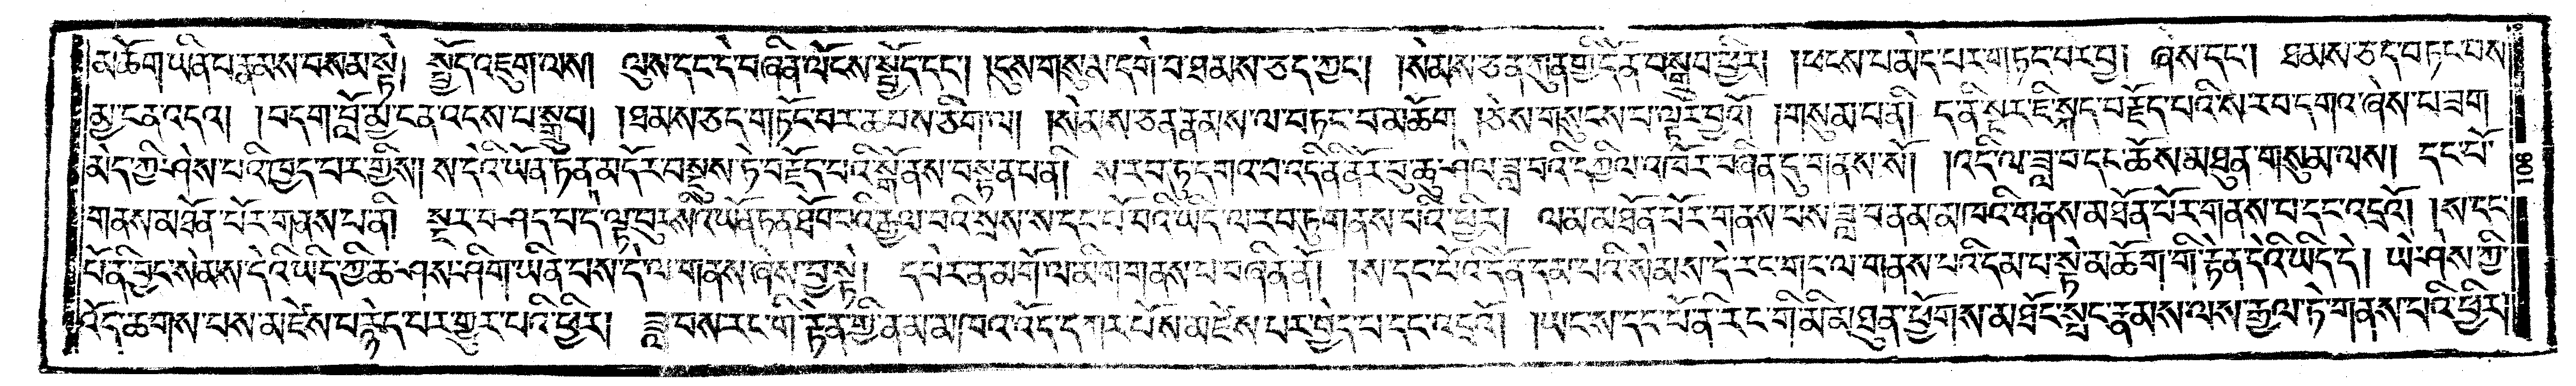མཆོག་ཡིན་པ་རྣམས་བསམ་སྟེ། སྤྱོད་འཇུག་ལས། ལུས་དང་དེ་བཞིན་ལོངས་སྤྱོད་དང་། དུས་གསུམ་དགེ་བ་ཐམས་ཅད་ཀྱང་། །སེམས་ཅན་ཀུན་གྱི་དོན་བསྒྲུབ་ཕྱིར། །ཕངས་པ་མེད་པར་གཏང་བར་བྱ། ཞེས་དང་། ཐམས་ཅད་བཏང་བས་
མྱ་ངན་འདའ། །བདག་བློ་མྱ་ངན་འདས་པ་སྒྲུབ། །ཐམས་ཅད་གཏོང་བར་ཆབས་ཅིག་ལ། །སེམས་ཅན་རྣམས་ལ་བཏང་བ་མཆོག །ཅེས་གསུངས་པ་ལྟར་བྱའོ། །གསུམ་པ་ནི། ད་ནི་སྔར་ཇི་སྐད་བརྗོད་པའི་ས་རབ་དགའ་ཞེས་པ་ཟག་
མེད་ཀྱི་ཤེས་པའི་ཁྱད་པར་གྱིས། ས་དེའི་ཡོན་ཏན་མདོར་བསྡུས་ཏེ་བརྗོད་པའི་སྒོ་ནས་བསྟན་པ་ནི། ས་རབ་ཏུ་དགའ་བ་འདི་ནི་ནོར་བུ་ཆུ་ཤེལ་ཟླ་བའི་དཀྱིལ་འཁོར་བཞིན་དུ་གནས་སོ། །འདི་ལ་ཟླ་བ་དང་ཆོས་མཐུན་གསུམ་ལས། དང་པོ་
གནས་མཐོན་པོར་གནས་པ་ནི། སྔར་བཤད་པ་དེ་ལྟ་བུར་སའི་ཡོན་ཏན་ཐོབ་པའི་རྒྱལ་བའི་སྲས་ས་དང་པོ་བའི་ཡིད་ལ་རབ་ཏུ་གནས་པའི་ཕྱིར། ལམ་མཐོན་པོར་གནས་པས་ཟླ་བ་ནམ་མཁའི་གནས་མཐོན་པོར་གནས་པ་དང་འདྲའོ། །ས་དང་
པོ་ནི་བྱང་སེམས་དེའི་ཡིད་ཀྱི་ཆ་ཤས་ཤིག་ཡིན་པས་དེ་ལ་གནས་ཞེས་བྱ་སྟེ། དཔེར་ན་མགོ་ལ་མིག་གནས་པ་བཞིན་ནོ། །ས་དང་པོའི་དོན་དམ་པའི་སེམས་དེ་རང་གང་ལ་གནས་པའི་དམ་པ་སྟེ་མཆོག་གི་རྟེན་དེའི་ཡིད་དེ། ཡེ་ཤེས་ཀྱི་
འོད་ཆགས་པས་མཛེས་པ་རྙེད་པར་གྱུར་པའི་ཕྱིར། ཟླ་བས་རང་གི་རྟེན་གྱི་ནམ་མཁའ་འོད་དཀར་པོས་མཛེས་པར་བྱེད་པ་དང་འདྲའོ། །ཡང་ས་དང་པོ་ནི་རང་གི་མི་མཐུན་ཕྱོགས་མཐོང་སྤང་རྣམས་ལས་རྒྱལ་ཏེ་གནས་པའི་ཕྱིར།